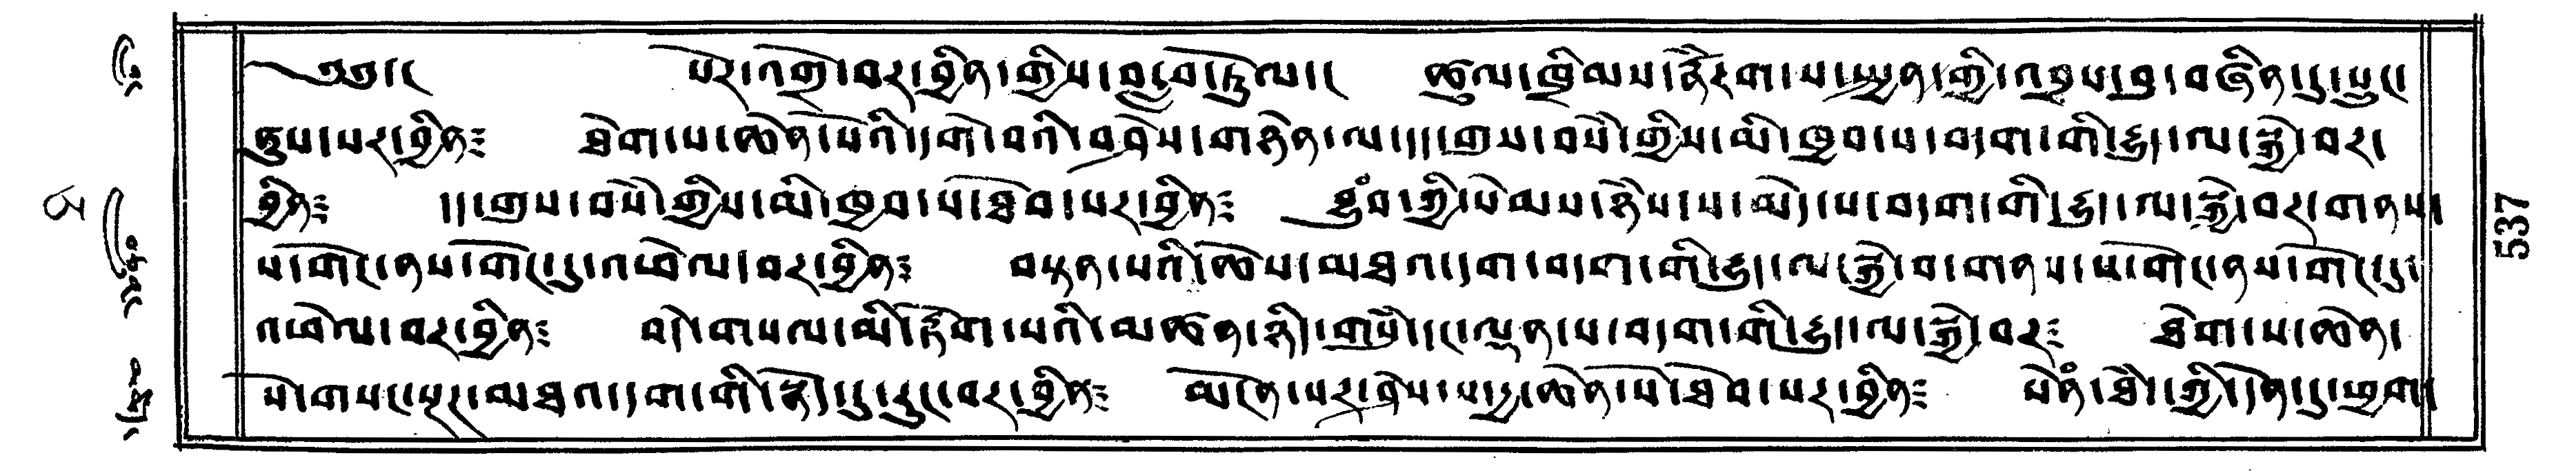པོར་འགྲོ་བར་བྱིན་གྱིས་བརླབ་ཏུ་གསོལ། ཚུལ་ཁྲིམས་རྣམ་པར་དག་པ་སྤྱན་གྱི་འབྲས་བུ་བཞིན་དུ་སྲུང་
ནུས་པར་བྱིན༴ ཐེག་པ་ཆེན་པོའི་དགེ་བའི་བཤེས་གཉེན་ལ་དད་གུས་བསམ་གྱིས་མི་ཁྱབ་པ་བདག་གི་རྒྱུད་ལ་སྐྱེ་བར་
བྱིན༴ དད་གུས་བསམ་གྱིས་མི་ཁྱབ་པ་ཐོབ་པར་བྱིན༴ བྱང་ཆུབ་ཀྱི་སེམས་ཉམས་པ་མེད་པ་བདག་གི་རྒྱུད་ལ་སྐྱེ་བར་གནས་
པ་གོང་ནས་གོང་དུ་འཕེལ་བར་བྱིན༴ བསྟན་པའི་ཆོས་མཐའ་དག་བདག་གི་རྒྱུད་ལ་སྐྱེ་བ་གནས་པ་གོང་ནས་གོང་དུ་
འཕེལ་བར་བྱིན༴ བདེ་གསལ་མི་རྟོག་པའི་མཚན་ཉིད་གསུམ་དང་ལྡན་པ་བདག་གི་རྒྱུད་ལ་སྐྱེ་བར༴ ཐེག་པ་ཆེན་
པོ་གསང་སྔགས་མཐའ་དག་གི་སྣོད་དུ་རུང་བར་བྱིན༴ མངོན་པར་ཤེས་པ་རྒྱ་ཆེན་པོ་ཐོབ་པར་བྱིན༴ སེམས་ཅན་ཐམས་ཅད་ཀྱི་དོན་དུ་ཕྱག་